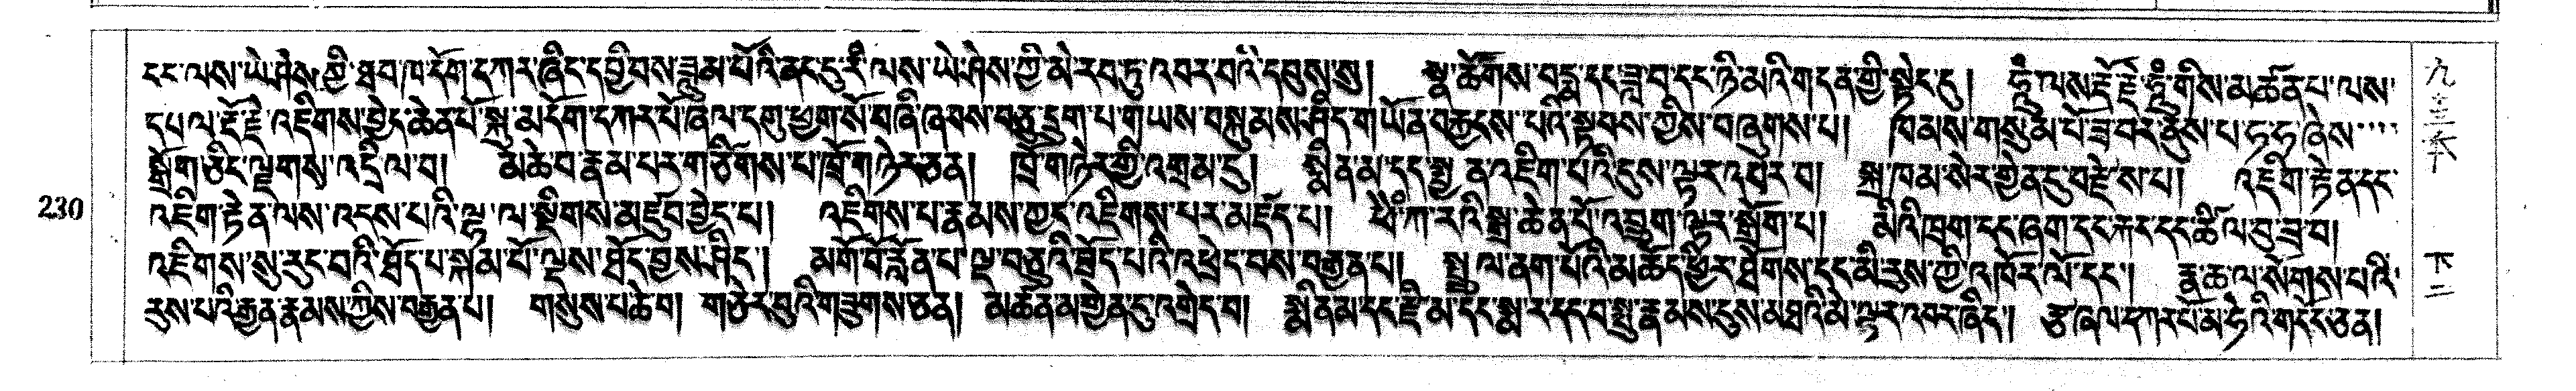ངང་ལས་ཡེ་ཤེས་ཀྱི་ཐབ་ཁ་དོག་དཀར་ཞིང་དབྱིབས་ཟླུམ་པོའི་ནང་དུ་རཾ་ལས་ཡེ་ཤེས་ཀྱི་མེ་རབ་ཏུ་འབར་བའི་དབུས་སུ། སྣ་ཚོགས་པདམ་དང་ཟླ་བ་དང་ཉི་མའི་གདན་གྱི་སྟེང་དུ། ཧཱུཾ་ལས་རྡོ་རྗེ་ཧཱུཾ་གིས་མཚན་པ་ལས་
དཔལ་རྡོ་རྗེ་འཇིགས་བྱེད་ཆེན་པོ་སྐུ་མདོག་དཀར་པོ་ཞལ་དགུ་ཕྱག་སོ་བཞི་ཞབས་བཅུ་དྲུག་པ་གཡས་བསྐུམས་ཤིང་གཡོན་བརྐྱངས་པའི་སྟབས་ཀྱིས་བཞུགས་པ། ཁམས་གསུམ་པོ་ཟ་བར་ནུས་པ་ཧ་ཧ་ཞེས་
སྒྲོག་ཅིང་ལྗགས་འདྲིལ་བ། མཆེ་བ་རྣམ་པར་གཙིགས་པ་ཁྲོ་གཉེར་ཅན། ཁྲོ་གཉེར་གྱི་འགྲམ་དུ། སྨིན་མ་དད་སྤྱན་འཇིག་པའི་དུས་ལྟར་འབར་བ། སྐྲ་ཁམ་སེར་གྱེན་དུ་བརྫེས་པ། འཇིག་རྟེན་དང་
འཇིག་རྟེན་ལས་འདས་པའི་ལྷ་ལ་སྡིགས་མཛུབ་བྱེད་པ། འཇིགས་པ་རྣམས་ཀྱང་འཇིགས་པར་མཛད་པ། ཕཻཾ་ཀ་རའི་སྒྲ་ཆེན་པོ་འབྲུག་ལྟར་སྒྲོག་པ། མིའི་ཁྲག་དང་ཞག་དང་རྐང་དང་ཚིལ་བུ་ཟ་བ།
འཇིགས་སུ་རུང་བའི་ཐོད་པ་སྐམ་པོ་ལྡས་ཐོད་བྱས་ཤིང་། མགོ་བོ་རློན་པ་ལྔ་བཅུའི་ཐོད་པའི་འཕྲེང་བས་བརྒྱན་པ། སྤྲུལ་ནག་པོའི་མཆོད་ཕྱིར་ཐོགས་དང་མི་རུས་ཀྱི་འཁོར་ལོ་དང་། རྣ་ཆ་ལ་སོགས་པའི་
རུས་པའི་རྒྱན་རྣམས་ཀྱིས་བརྒྱན་པ། གསུས་པ་ཆེ་བ། གཅེར་བུའི་གཟུགས་ཅན། མཚན་མགྱེན་དུ་འགྲེད་བ། སྨིན་མ་དང་རྫི་མ་དང་སྨ་ར་དད་བ་སྤུ་རྣམས་དུས་མཐའི་མེ་ལྟར་འབར་ཞིང་། རྩ་ཞལ་དཀར་པོ་མ་ཧེའི་གདོང་ཅན།